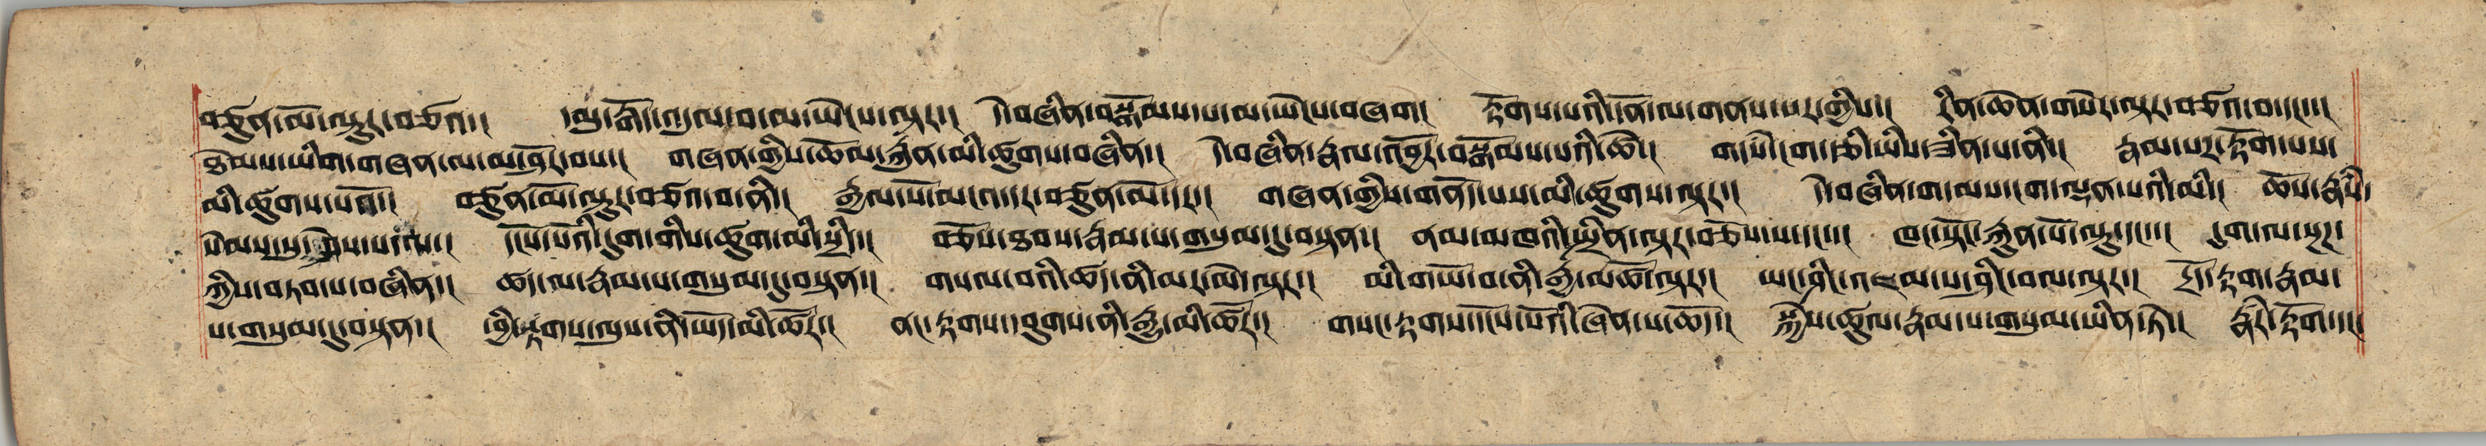བཙུན་མོ་ལྟུར་བཙའ་། དམུ་རྒོད་འདུལ་བ་མ་ཡེངས་ལྟར་། དེ་བཞིན་བསྒོམས་པ་མ་ཡེངས་བཞག། རྟོགས་པའི་དོན་ལ་གནས་པར་གྱིས་། རིན་ཆེན་གསེར་ལྟར་བཙའ་བ་དང་་།
ཐེམས་ཡིག་གཞན་ལ་མ་ཤོར་བས་། གཞན་གྱིས་ཆོམ་རྐུན་མི་ཚུགས་བཞིན་། དེ་བཞིན་རྣལ་འབྱོར་བསྒོམས་པའི་ཚེ་། གདཾས་ངག་རྩི་ཡིས་ཟིན་པ་ནི་། རྣམ་པར་རྟོག་པས་
མི་ཚུགས་པའོ་། བཙུན་མོ་ལྟུར་བཙའ་བ་ནི་། རྒྱལ་པོ་མངའ་དར་བཙུན་མོ་དར་། གཞན་གྱིས་གནོད་པས་མི་ཚུགས་ལྟར་། དེ་བཞིན་གདམས་ངག་ལྡན་པའི་མི་། ཆོས་རྣཾས་
སེམས་སུ་ཤེས་པ་ལ་། དངོས་པོའི་དུག་གིས་ཚུག་མི་སྲིད་། བཅོས་ཐབས་རྣམ་པ་གསུམ་དུ་བསྟན་། ནམ་མཁའི་སྤྲིན་ལྟར་བཅོས་པ་དང་་། ཁང་སྟོང་རྐུན་པོ་ལྟུ་དང་་། དུག་ལ་སྔཌ་
ཀྱིས་བཏབ་པ་བཞིན་། ཚད་ལ་རྣམ་པ་གསུམ་དུ་བསྟན་། གསལ་བའི་ཚད་ནི་མར་མེ་ལྟར་། མི་གཡོ་བ་ནི་རྒྱ་མཚོ་ལྟར་། ཡང་ཤིང་འཇམ་པ་ཤིང་བལ་ལྟར་། དྲོད་རྟག་རྣམ་
པ་གསུམ་དུ་བསྟན་། ཕྱི་རྟགས་ལུས་ནི་ཡོད་མི་ཚོར་། ནང་རྟགས་དབུགས་ནི་རྒྱུ་མི་ཚོར་། གསང་རྟགས་དངོས་པོའི་ཞེན་པ་ཆོད་། སྐྱེས་ཚུལ་རྣམ་པ་གསུམ་ཡིན་ཏེ་། རྣཾར་རྟོག་དང་